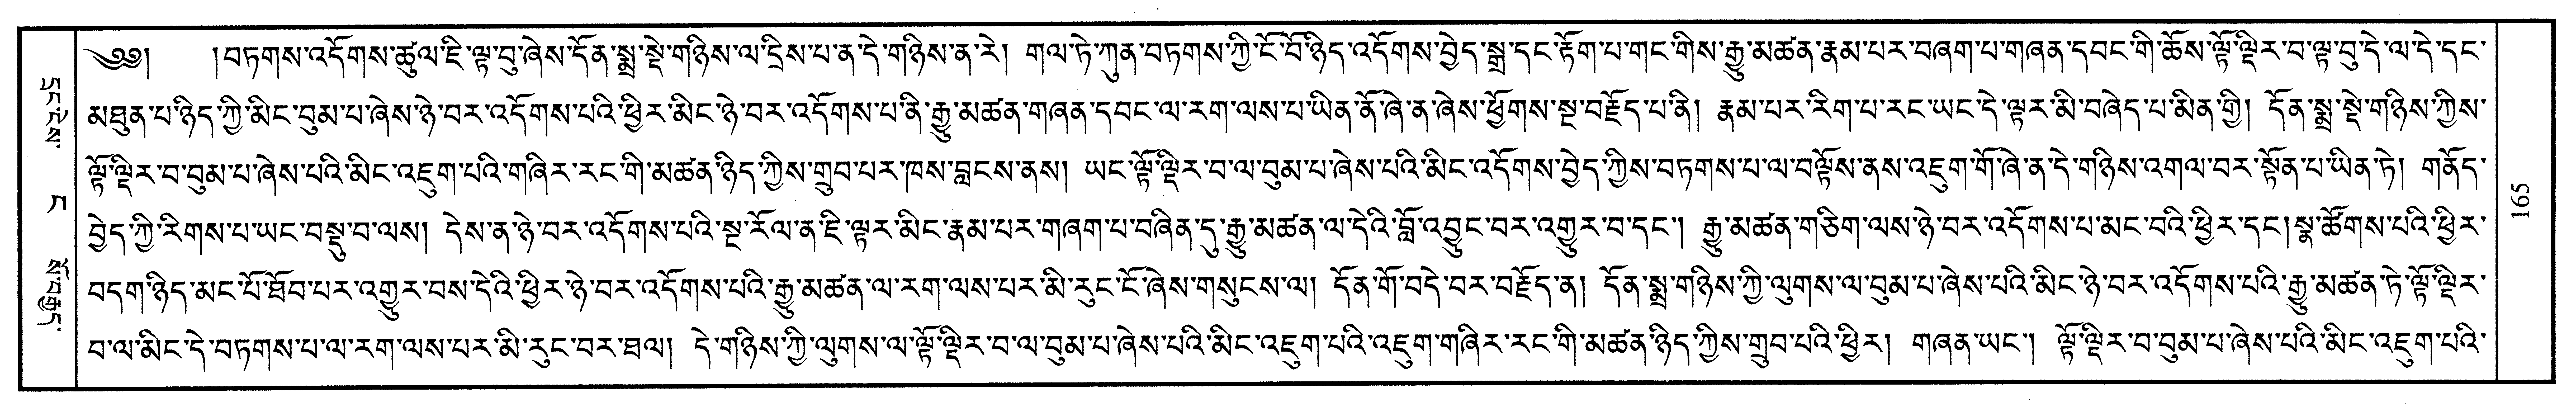༄༅། །བཏགས་འདོགས་ཚུལ་ཇི་ལྟ་བུ་ཞེས་དོན་སྨྲ་སྡེ་གཉིས་ལ་དྲིས་པ་ན་དེ་གཉིས་ན་རེ། གལ་ཏེ་ཀུན་བཏགས་ཀྱི་ངོ་བོ་ཉིད་འདོགས་བྱེད་སྒྲ་དང་རྟོག་པ་གང་གིས་རྒྱུ་མཚན་རྣམ་པར་བཞག་པ་གཞན་དབང་གི་ཆོས་ལྟོ་ལྡིར་བ་ལྟ་བུ་དེ་ལ་དེ་དང་
མཐུན་པ་ཉིད་ཀྱི་མིང་བུམ་པ་ཞེས་ཉེ་བར་འདོགས་པའི་ཕྱིར་མིང་ཉེ་བར་འདོགས་པ་ནི་རྒྱུ་མཚན་གཞན་དབང་ལ་རག་ལས་པ་ཡིན་ནོ་ཞེ་ན་ཞེས་ཕྱོགས་སྔ་བརྗོད་པ་ནི། རྣམ་པར་རིག་པ་རང་ཡང་དེ་ལྟར་མི་བཞེད་པ་མིན་གྱི། དོན་སྨྲ་སྡེ་གཉིས་ཀྱིས་
ལྟོ་ལྡིར་བ་བུམ་པ་ཞེས་པའི་མིང་འཇུག་པའི་གཞིར་རང་གི་མཚན་ཉིད་ཀྱིས་གྲུབ་པར་ཁས་བླངས་ནས། ཡང་ལྟོ་ལྡིར་བ་ལ་བུམ་པ་ཞེས་པའི་མིང་འདོགས་བྱེད་ཀྱིས་བཏགས་པ་ལ་བལྟོས་ནས་འཇུག་གོ་ཞེ་ན་དེ་གཉིས་འགལ་བར་སྟོན་པ་ཡིན་ཏེ། གནོད་
བྱེད་ཀྱི་རིགས་པ་ཡང་བསྡུ་བ་ལས། དེས་ན་ཉེ་བར་འདོགས་པའི་སྔ་རོལ་ན་ཇི་ལྟར་མིང་རྣམ་པར་གཞག་པ་བཞིན་དུ་རྒྱུ་མཚན་ལ་དེའི་བློ་འབྱུང་བར་འགྱུར་བ་དང་། རྒྱུ་མཚན་གཅིག་ལས་ཉེ་བར་འདོགས་པ་མང་བའི་ཕྱིར་དང་། སྣ་ཚོགས་པའི་ཕྱིར་
བདག་ཉིད་མང་པོ་ཐོབ་པར་འགྱུར་བས་དེའི་ཕྱིར་ཉེ་བར་འདོགས་པའི་རྒྱུ་མཚན་ལ་རག་ལས་པར་མི་རུང་ངོ་ཞེས་གསུངས་ལ། དོན་གོ་བདེ་བར་བརྗོད་ན། དོན་སྨྲ་གཉིས་ཀྱི་ལུགས་ལ་བུམ་པ་ཞེས་པའི་མིང་ཉེ་བར་འདོགས་པའི་རྒྱུ་མཚན་ཏེ་ལྟོ་ལྡིར་
བ་ལ་མིང་དེ་བཏགས་པ་ལ་རག་ལས་པར་མི་རུང་བར་ཐལ། དེ་གཉིས་ཀྱི་ལུགས་ལ་ལྟོ་ལྡིར་བ་ལ་བུམ་པ་ཞེས་པའི་མིང་འཇུག་པའི་འཇུག་གཞིར་རང་གི་མཚན་ཉིད་ཀྱིས་གྲུབ་པའི་ཕྱིར། གཞན་ཡང་། ལྟོ་ལྡིར་བ་བུམ་པ་ཞེས་པའི་མིང་འཇུག་པའི་